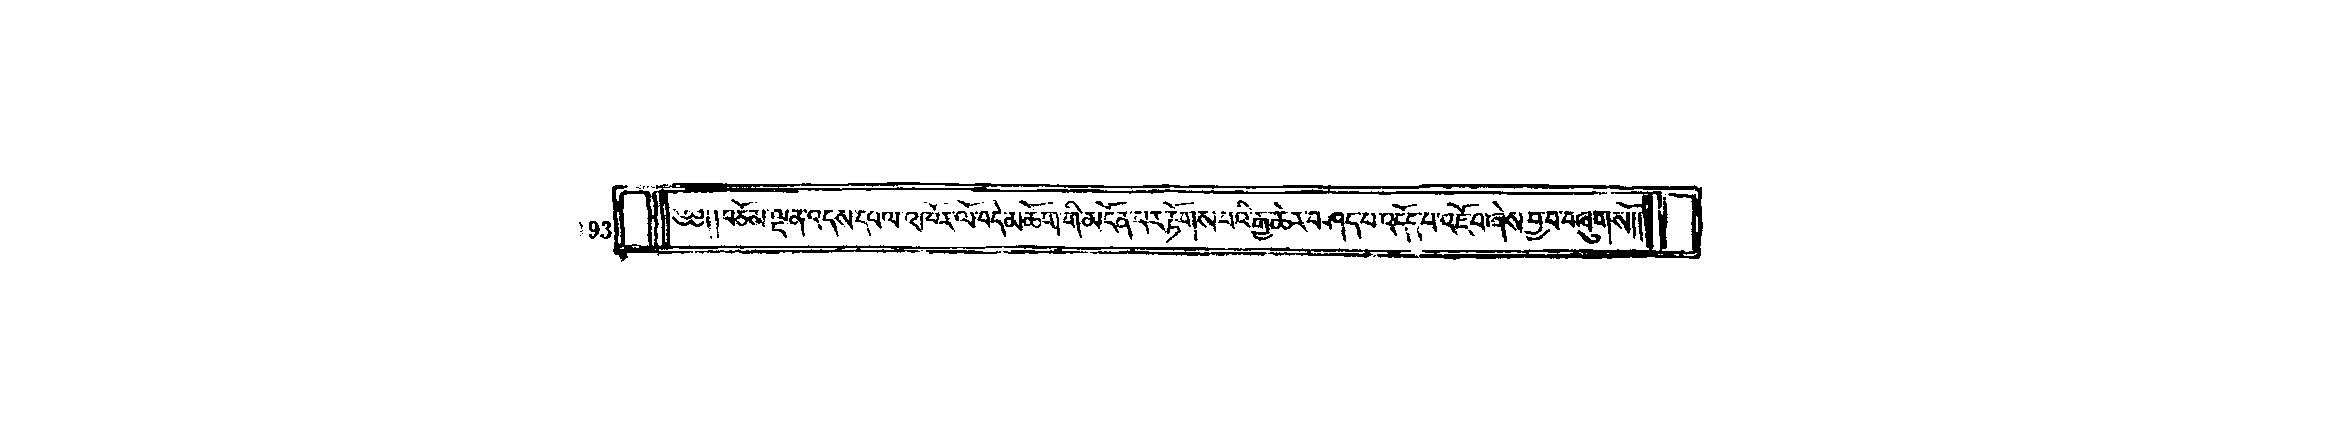༄༅། །བཅོམ་ལྡན་འདས་དཔལ་འཁོར་ལོ་བདེ་མཆོག་གི་མངོན་པར་རྟོགས་པའི་རྒྱ་ཆེར་བཤད་པ་འདོད་པ་འཇོ་བ་ཞེས་བྱ་བ་བཞུགས་སོ། །